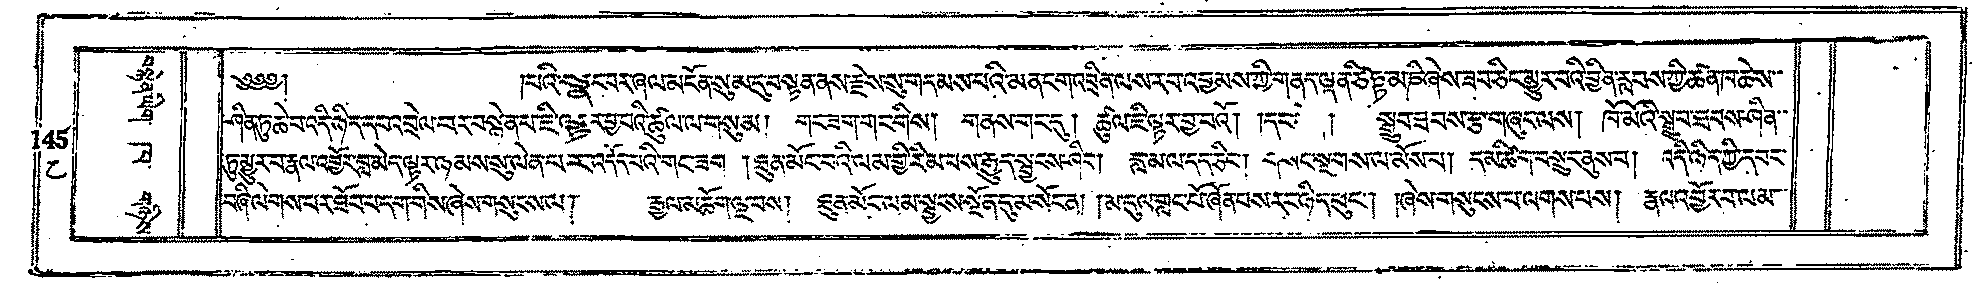༄༅༅། །པའི་སྣང་བར་ཞལ་མངོན་སུམ་དུ་བསྟན་ནས་རྗེས་སུ་གདམས་པའི་མན་ངག་འཕྲིན་ལས་རབ་འབྱམས་ཀྱི་གནད་ལྡན་ཙིཏྟ་མ་ཎི་ཞེས་ཟབ་ཅིང་མྱུར་བའི་བྱིན་རླབས་ཀྱི་ཚན་ཁ་ཆེས་་་
ཤིན་ཏུ་ཆེ་བ་འདི་ཉིད་དང་འབྲེལ་བར་བསྙེན་པ་ཇི་ལྟར་བྱ་བའི་ཚུལ་ལ་གསུམ། གང་ཟག་གང་གིས། གནས་གང་དུ། ཚུལ་ཇི་ལྟར་བྱ་བའོ། །དང་པོ?། སྒྲུབ་ཐབས་རྩ་གཞུང་ལས། ཁོ་མོའི་སྒྲུབ་ཐབས་ཤིན་
ཏུ་མྱུར་བ་རྣལ་འབྱོར་བླ་མེད་ལྟར་ཉམས་སུ་ལེན་པར་འདོད་པའི་གང་ཟག །ཐུན་མོང་བའི་ལམ་གྱི་རིམ་པས་རྒྱུད་སྦྱངས་ཤིང་། བླ་མ་ལ་དད་ཅིང་། གསང་སྔགས་ལ་མོས་པ། དམ་ཚིག་བསྲུང་ནུས་པ། འདི་ཉིད་ཀྱི་དབང་
བཞི་ལེགས་པར་ཐོབ་པ་དག་གིས་ཞེས་གསུངས་ལ། རྒྱལ་མཆོག་ལྔ་པས། ཐུན་མོང་ལམ་སྦྱངས་སྔོན་དུ་མ་སོང་ན། །མ་དུལ་གླང་པོ་ཞོན་པས་རང་ཉིད་ཕུང་། །ཞེས་གསུངས་པ་ལགས་པས། རྣལ་འབྱོར་བ་ལམ་་་